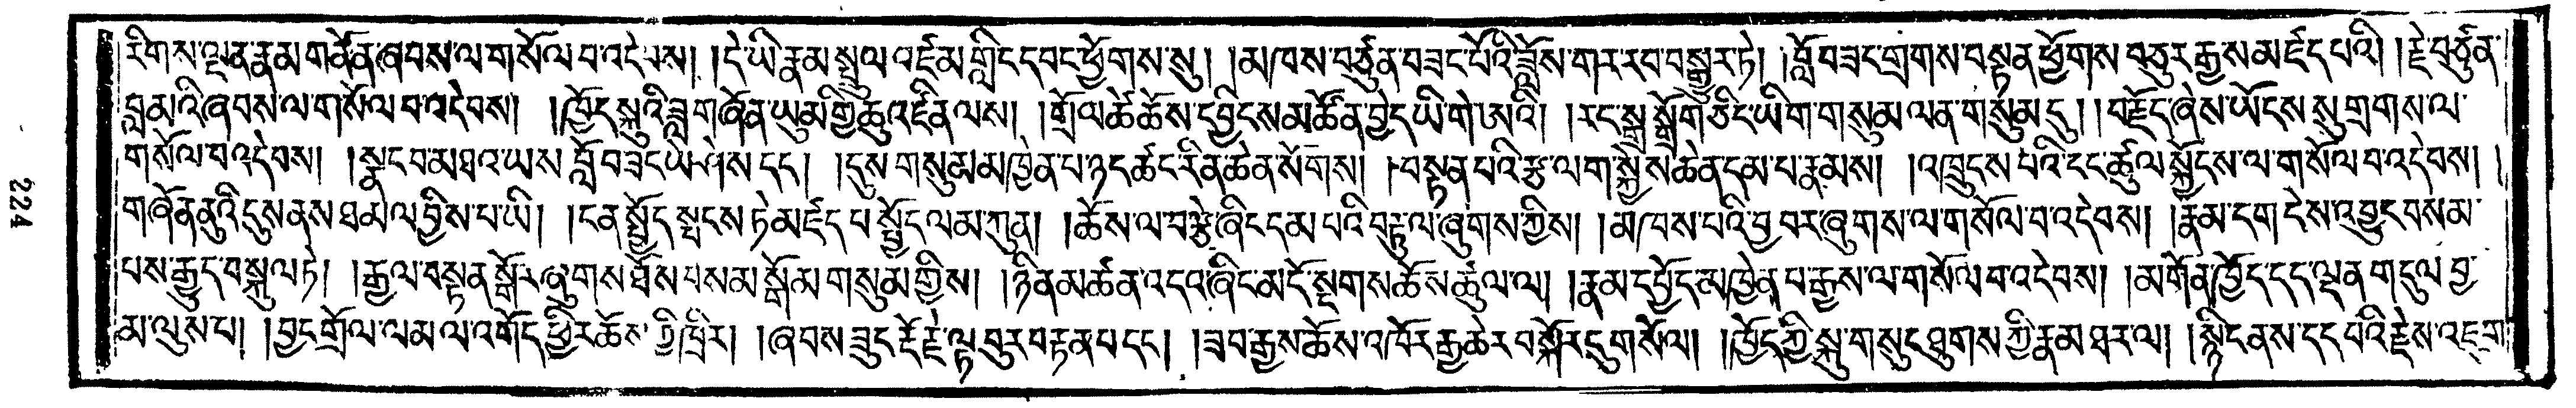རིགས་ལྡན་རྣམ་གནོན་ཞབས་ལ་གསོལ་བ་འདེབས། །དེ་ཡི་རྣམ་སྤྲུལ་འཛམ་གླིང་དབང་ཕྱོགས་སུ། །མཁས་བཙུན་བཟང་པོའི་ཟློས་གར་རབ་བསྒྱུར་ཏེ། །བློ་བཟང་གྲགས་བསྟན་ཕྱོགས་བཅུར་རྒྱས་མཛད་པའི། །རྗེ་བཙུན་
བླ་མའི་ཞབས་ལ་གསོལ་བ་འདེབས། །ཁྱོད་སྐུའི་ཟླ་གཞོན་ཡུམ་གྱི་ཆུ་འཛིན་ལས། །གྲོལ་ཚེ་ཆོས་དབྱིངས་མཚོན་བྱེད་ཡི་གེ་ཨཱི། །རང་སྒྲ་སྒྲོག་ཅིང་ཡིག་གསུམ་ལན་གསུམ་དུ། །བརྗོད་ཞེས་ཡོངས་སུ་གྲགས་ལ་
གསོལ་བ་འདེབས། །སྣང་བ་མཐའ་ཡས་བློ་བཟང་ཡེ་ཤེས་དང་། །དུས་གསུམ་མཁྱེན་པ་ཉད་ཚང་རིན་ཆེན་སོགས། །བསྟན་པའི་རྩ་ལག་སྐྱེས་ཆེན་དམ་པ་རྣམས། །འཁྲུངས་པའི་ངང་ཚུལ་སྐྱོངས་ལ་གསོལ་བ་འདེབས། །
གཞོན་ནུའི་དུས་ནས་ཐ་མལ་བྱིས་པ་ཡི། །ངན་སྤྱོད་སྤངས་ཏེ་མཛད་པ་སྦྱོད་ལམ་ཀུན། །ཆོས་ལ་བརྩེ་ཞིང་དམ་པའི་བརྟུལ་ཞུགས་ཀྱིས། །མཁས་པའི་བྱ་བར་ཞུགས་ལ་གསོལ་བ་འདེབས། །རྣམ་དག་ངེས་འབྱུང་བསམ་
པས་རྒྱུད་བསྐུལ་ཏེ། །རྒྱལ་བསྟན་སྒོར་ཞུགས་ཐོས་བསམ་སྒོམ་གསུམ་གྱིས། །ཉིན་མཚན་འདའ་ཞིང་མདོ་སྔགས་ཆོས་ཚུལ་ལ། །རྣམ་དཔྱོད་མཁྱེན་པ་རྒྱས་ལ་གསོལ་བ་འདེབས། །མགོན་ཁྱོད་དད་ལྡན་གདུལ་བྱ་
མ་ལུས་པ། །བྱང་གྲོལ་ལམ་ལ་འགོད་ཕྱིར་ཆོས་ཀྱི་ཁྲིར། །ཞབས་ཟུང་རྡོ་རྗེ་ལྟ་བུར་བརྟན་པ་དང་། །ཟབ་རྒྱས་ཆོས་འཁོར་རྒྱ་ཆེར་བསྐོར་དུ་གསོལ། །ཁྱོད་ཀྱི་སྐུ་གསུང་ཐུགས་ཀྱི་རྣམ་ཐར་ལ། །སྙིང་ནས་དད་པའི་རྗེས་འཇུག་